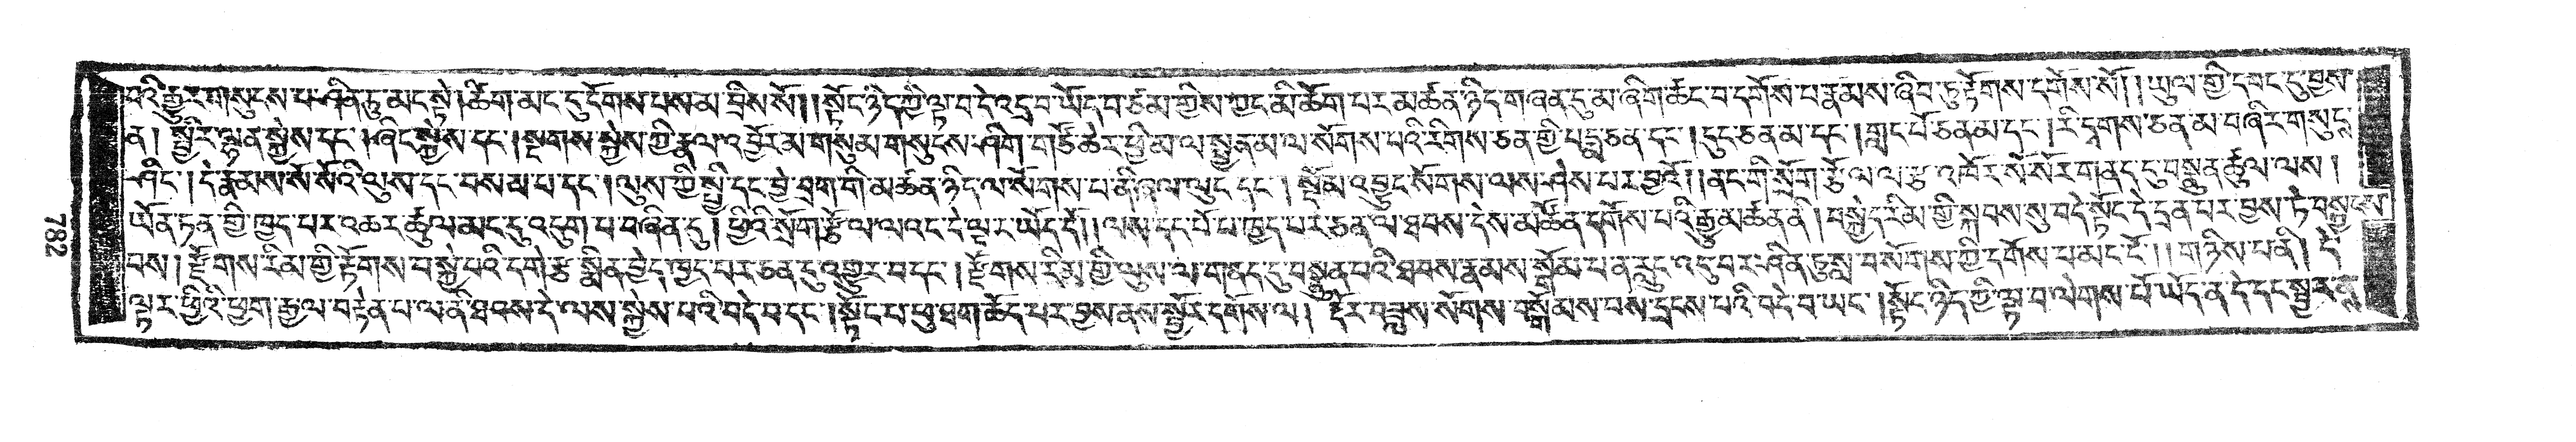བའི་རྒྱུར་གསུངས་པ་ཤིན་ཏུ་མང་སྟེ། ཚིག་མང་དུ་དོགས་པས་མ་བྲིས་སོ། །སྟོང་ཉིད་ཀྱི་ལྟ་བ་དེ་འདྲ་བ་ཡོད་པ་ཙམ་གྱིས་ཀྱང་མི་ཆོག་པར་མཚན་ཉིད་གཞན་དུ་མ་ཞིག་ཚང་བ་དགོས་པ་རྣམས་ཞིབ་ཏུ་རྟོགས་དགོས་སོ། །ཡུལ་གྱི་དབང་དུ་བྱས་
ན། སྤྱིར་ལྷན་སྐྱེས་དང་། ཞིང་སྐྱེས་དང་། སྔགས་སྐྱེས་ཀྱི་རྣལ་འབྱོར་མ་གསུམ་གསུངས་ཤིག་གཙོ་ཆེར་ཕྱི་མ་ལ་སྤྱན་མ་ལ་སོགས་པའི་རིགས་ཅན་གྱི་པདམ་ཅན་དང་། དུང་ཅན་མ་དང་། གླང་པོ་ཅན་མ་དང་། རི་དྭགས་ཅན་མ་བཞིར་གསུངས་
ཤིང་། དེ་རྣམས་སོ་སོའི་ལུས་དང་བསམ་པ་དང་། ལུས་ཀྱི་སྤྱི་དང་བྱེ་བྲག་གི་མཚན་ཉིད་ལ་སོགས་པ་ནི་ཞལ་ལུང་དང་། སྡོམ་འབྱུང་སོགས་ལས་ཤེས་པར་བྱའོ། །ནང་གི་སྲོག་རྩོལ་ལ་ལ་རྩ་འཁོར་སོ་སོར་གནད་དུ་བསྣུན་ཆུལ་ལས།
ཡོན་ཏན་གྱི་ཁྱད་པར་འཆར་ཚུལ་མང་དུ་འདུག་པ་བཞིན་དུ། ཕྱིའི་སྲོག་རྩོལ་ལའང་དེ་ལྟར་ཡོད་དོ། །ལས་དང་པོ་པ་ཁྱད་པར་ཅན་ལ་ཐབས་དེས་མཚོན་དགོས་པའི་རྒྱུ་མཚན་ནི། བསྐྱེད་རིམ་གྱི་སྐབས་སུ་བདེ་སྟོང་དེ་དྲན་པར་བྱས་ཏེ་བསྐྱངས་
པས། རྫོགས་རིམ་གྱི་རྟོགས་པ་སྐྱེ་པའི་དགེ་རྩ་སྨིན་བྱེད་ཁྱད་པར་ཅན་དུ་འགྱུར་བ་དང་། རྫོགས་རིམ་གྱི་ལུས་ལ་གནད་དུ་བསྣུན་པའི་ཐབས་རྣམས་སྒོམ་པ་ན་རླུང་འདུ་བར་ཤིན་ཏུ་སླ་བ་སོགས་ཀྱི་དགོས་པ་མང་ངོ། །གཉིས་པ་ནི། དེ་
ལྟར་ཕྱིའི་ཕྱག་རྒྱལ་བརྟེན་པ་ལ་ནི་ཐབས་དེ་ལས་སྐྱེས་པའི་བདེ་བ་དང་། སྟོང་པ་ཕྱ་ཐག་ཆོད་པར་བྱས་ནས་སྦྱོར་དགོས་ལ། རྡོར་བཟླས་སོགས་བསྒོམས་པས་དྲངས་པའི་བདེ་བ་ཡང་། སྟོང་ཉིད་ཀྱི་ལྟ་བ་ལེགས་པོ་ཡོད་ན་དེ་དང་སྦྱར་ནས་